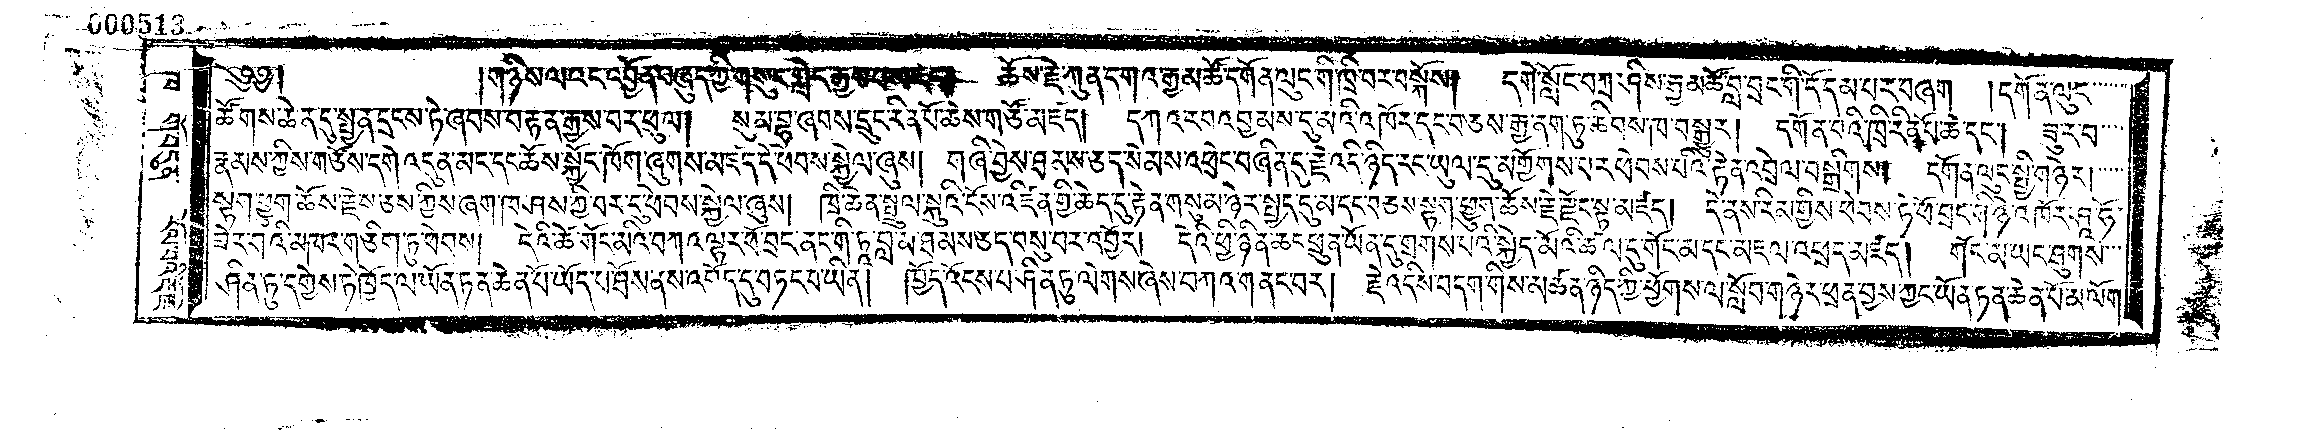༄༅། །གཉིས་ལའང་འབྱོན་བཞུད་ཀྱི་གསུང་གླེང་རྒྱས་པ་མཛད། ཆོས་རྗེ་ཀུན་དགའ་རྒྱ་མཚོ་དགོན་ལུང་གི་ཁྲི་པར་བསྐོས། དགེ་སློང་བཀྲ་ཤིས་རྒྱ་མཚོ་བླ་བྲང་གི་དོ་དམ་པར་བཞག །དགོན་ལུང་?
ཚོགས་ཆན་དུ་སྤྱན་དྲངས་ཏེ་ཞབས་བརྟན་རྒྱས་པར་ཕུལ། སུམ་བྷ་ཞབས་དྲུང་རིན་པོ་ཆེས་གཙོ་མཛད། དཀའ་རབ་འབྱམས་དུ་མའི་འཁོར་དང་བཅས་རྒྱ་ནག་ཏུ་ཆི་བས་ཁ་བསྒྱུར། དགོན་པའི་ཁྲི་རིན་པོ་ཆེ་དང་། ཟུར་པ་
རྣམས་ཀྱིས་གཙོས་དགེ་འདུན་མང་དང་ཆོས་སྐྱོང་ཁོག་ཞུགས་མཛད་དེ་ཕེབས་སྐྱེལ་ཞུས། གཞི་བྱེས་ཐམས་ཅད་སེམས་འཕྲེང་བཞིན་དུ་རྗེ་འདི་ཉིད་རང་ཡུལ་དུ་མགྱོགས་པར་ཕེབས་པའི་རྟེན་འབྲེལ་བསྒྲིགས། དགོན་ལུང་སྤྱི་གཉེར།
སྟག་ཕྱུག་ཆོས་རྗེ་བཅས་ཀྱིས་ཞག་ཁ་ཤས་ཀྱི་བར་དུ་ཕེབས་སྐྱེལ་ཞུས། ཁྲི་ཆེན་སྤྲུལ་སྐུའི་ངོས་འཛིན་གྱི་ཆེད་དུ་རྟེན་གསུམ་ཉེར་སྤྱད་དུ་མ་དང་བཅས་སྟག་ཕྱུག་ཆོས་རྗེ་རྫོང་སྟ་མཛད། དེ་ནས་རིམ་གྱིས་ཕེབས་ཏེ་ཕོ་བྲང་གི་ཉེ་འཁོར་ཤཱ་ཧོ་
ཟེར་བའི་མཁར་གཅིག་ཏུ་ཕེབས། དེའི་ཚེ་གོང་མའི་བཀའ་ལྟར་ཕོ་བྲང་ནང་གི་ཏཱ་བླ་མ་ཐམས་ཅད་བསུ་བར་འབྱོར། དེའི་ཕྱི་ཉིན་ཆང་ཕྲུན་ཡོན་དུ་གྲགས་པའི་སྐྱེད་མོའི་ཚལ་དུ་གོང་མ་དང་མཇལ་འཕྲད་མཛད། གོང་མ་ཡང་ཐུགས་
ཤིན་ཏུ་དགྱེས་ཏེ་ཁྱོད་ལ་ཡོན་ཏན་ཆེན་པོ་ཡོད་པ་ཐོས་ནས་འབོད་དུ་བཏང་བ་ཡིན། ཁྱོད་འོངས་པ་ཤིན་ཏུ་ལེགས་ཞེས་བཀའ་གནང་བར། རྫེ་འདིས་བདག་གིས་མཚན་ཉིད་ཀྱི་ཕྱོགས་ལ་སློབ་གཉེར་ཕྲན་བྱས་ཀྱང་ཡོན་ཏན་ཆེན་པོ་མ་ལོག་